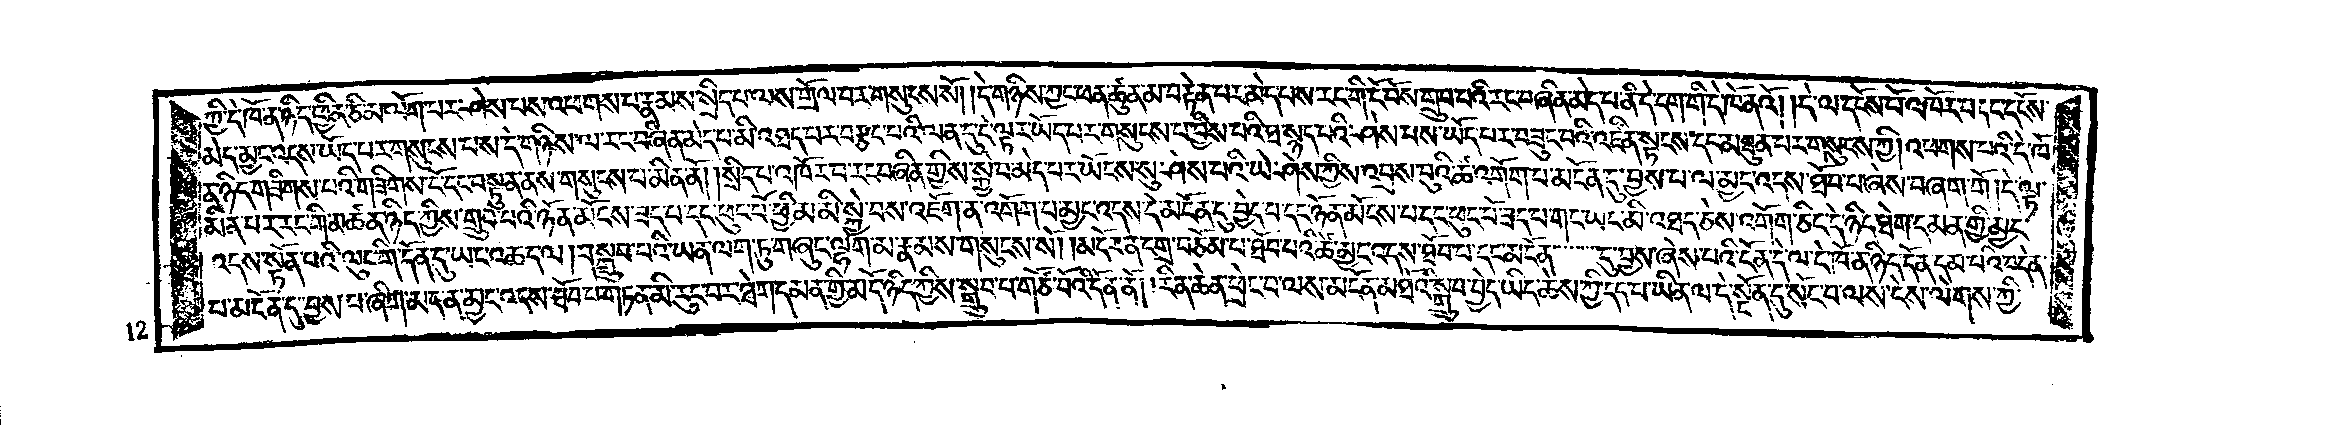ཀྱི་དེ་ཁོ་ན་ཉིད་ཕྱིན་ཅི་མ་ལོག་པར་ཤེས་པས་འཕགས་པ་རྣམས་སྲིད་པ་ལས་གྲོལ་བར་གསུང་སོ། །དེ་གཉིས་ཀྱང་ཕན་ཚུན་མ་བརྟེན་པར་མེད་པས་རང་གི་ངོ་བོས་གྲུབ་པའི་རང་བཞིན་མེད་པ་ནི་དེ་དག་གི་དེ་ཁོ་ནའོ། །དེ་ལ་དངོས་པོ་འཁོར་བ་དང་དངོས་
མེད་མྱང་འདས་ཡོད་པར་གསུངས་པས་དེ་གཉིས་ལ་རང་བཞིན་མེད་པ་མི་འཐད་པར་བརྩད་པའི་ལན་དུ་དེ་ལྟར་ཡོད་པར་གསུངས་པ་བྱིས་པའི་ཐ་སྙད་པའི་ཤེས་པས་ཡོད་པར་བཟུང་བའི་འཛིན་སྟངས་དང་མཐུ་པར་གསུང་ཀྱི། འཕགས་པའི་དེ་ཁོ་
ན་ཉིད་གཟིགས་པའི་གཟིགས་ངོ་དང་བསྟུན་ནས་གསུངས་པ་མིན་ནོ། །སྲིད་པ་འཁོར་བ་རང་བཞིན་གྱིས་སྐྱེ་བ་མེད་པར་ཡོངས་སུ་ཤེས་པའི་ཡེ་ཤེས་ཀྱིས་འབྲས་བུའི་ཚེ་འགོག་པ་མངོན་དུ་བྱས་པ་ལ་མྱང་འདས་ཐོབ་པ་ཞེས་བཞག་གོ །དེ་ལྟ་
མིན་པར་རང་གི་མཚན་ཉིད་ཀྱིས་སྒྲུབ་པའི་ཉོན་མོངས་ཟད་པ་དང་ཕུང་པོ་ཕྱི་མ་མི་སྐྱེ་བས་འཇོག་ན་འགོག་པ་མྱང་འདས་དེ་མངོན་དུ་བྱེད་པ་དང་ཉོན་མོངས་པ་དང་ཕུང་པོ་ཟད་པ་གང་ཡང་མི་འཐད་ཅེས་འགོག་ཅིང་དེ་ཉིད་ཐེག་དམན་གྱི་མྱང་
འདས་སྟོན་པའི་ལུང་གི་དོན་དུ་ཡང་འཆད་ལ། དེ་སྒྲུབ་པའི་ཡན་ལག་ཏུ་གཞུང་ལྷག་མ་རྣམས་གསུངས་སོ། །མདོར་ན་དགྲ་བཅོམ་པ་ཐོབ་པའི་ཚེ་མྱང་འདས་ཐོབ་པ་དང་མངོན་དུ་བྱས་ཞས་པའི་དོན་དེ་ལ་དེ་ཁོ་ན་ཉིད་དོན་དམ་པའི་བདེན་
པ་མངོན་དུ་བྱས་པ་ཞིག་མེད་ན་མྱང་འདས་ཐོབ་པ་གཏན་མི་རུང་བར་ཐེག་དམན་གྱི་མདོ་ཉིད་ཀྱིས་སྒྲུབ་པ་གཙོ་བོའི་དོན་ནོ། །རིན་ཆེན་ཕྲེང་བ་ལས་མངོན་མཐོའི་སྒྲུབ་བྱེད་ཡིད་ཆེས་ཀྱི་དད་པ་ཡིན་ལ་དེ་སྔོན་དུ་སོང་བ་ལས་ངེས་ལེགས་ཀྱི་